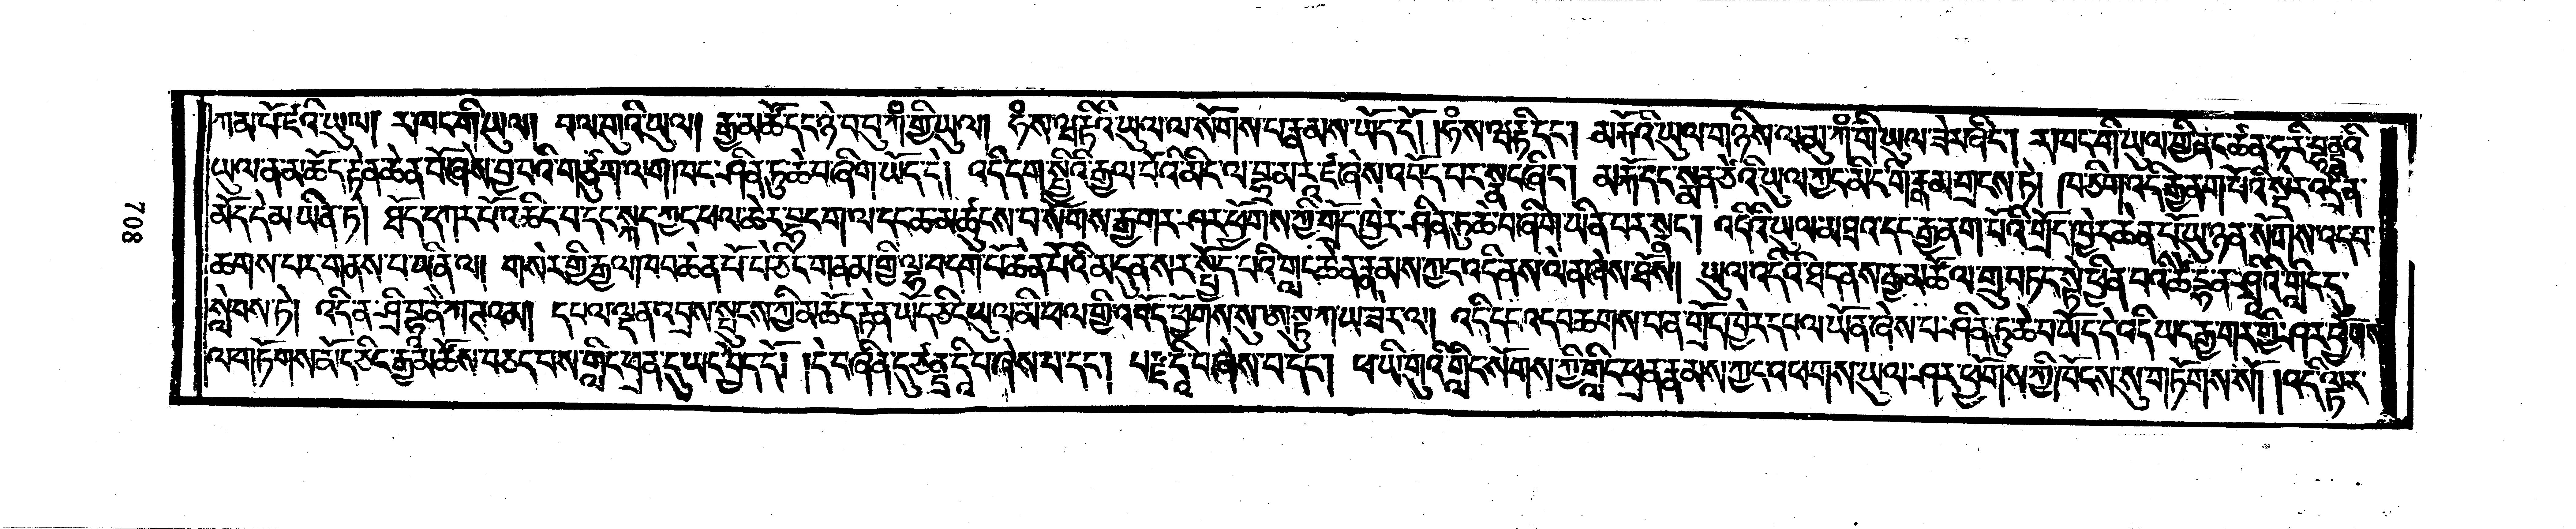ཀ་མ་པོ་ཛའི་ཡུལ། ར་ཁང་གི་ཡུལ། བལ་གུའི་ཡུལ། རྒྱ་མཚོ་དང་ཉེ་བ་པུ་ཀཾ་གྱི་ཡུལ། ཧཾ་ས་ཝརྟིའི་ཡུལ་ལ་སོགས་པ་རྣམས་ཡོད་དོ། །ཧཾ་ས་ཝ་རྟི་དང་། མྲྐོའི་ཡུལ་གཉིས་ལ་མུ་ཀཾ་གི་ཡུལ་ཟེར་ཞིང་། ར་ཁང་གི་ཡུལ་གྱི་ནང་ཚན་ཧ་རི་བྷནྡཱི་
ཡུལ་ན་མཆོད་རྟེན་ཆེན་བོ་ཞེས་བྱ་བའི་གཙུག་ལག་ཁང་ཤིན་ཏུ་ཆེ་བ་ཞིག་ཡོད་དེ། འདི་དག་སྤྱིའི་རྒྱལ་པོའི་མིང་ལ་བྷ་མ་རཱ་ཛ་ཞེས་འབོད་པར་སྣང་ཞིང་། མརྐོ་དང་སྨན་རྩེའི་ཡུལ་ཀྱང་མིང་གི་རྣམ་གྲངས་ཏེ། ཁ་ཅིག་འདི་རྒྱ་ནག་པོའི་སྡེར་འདྲེན་
མོད་དེ་མ་ཡིན་ཏེ། ཐོད་དཀར་པོ་འཆིང་བ་དང་སྐད་ཀྱང་ཕལ་ཆེར་བྷང་ག་ལ་དང་ཆ་མཚུངས་པ་སོགས་རྒྱ་གར་ཤར་ཕྱོགས་ཀྱི་གྲོང་ཁྱེར་ཤིན་ཏུ་ཆེ་བ་ཞིག་ཡིན་པར་སྣང་། འདིའི་ཡུལ་མཐའ་དང་རྒྱ་ནག་པོའི་གྲོང་ཁྱེར་ཆེན་པོ་ཡུ་ཉན་སོགས་འདབ་
ཆགས་པར་གནས་པ་ཡིན་ལ། གསེར་གྱི་རྒྱལ་ཁབ་ཆེན་པོ་པེ་ཅིང་གནམ་གྱི་ལྷ་བདག་པོ་ཆེན་པོའི་མདུན་སར་སྤྱོད་པའི་གླང་ཆེན་རྣམས་ཀྱང་འདི་ནས་ལེན་ཞེས་ཐོས། ཡུལ་འདིའི་ཐིད་ནས་རྒྱ་མཚོ་ལ་གྲུ་བཏང་སྟེ་ཕྱིན་པའི་ཚེ་དྷ་ན་ཤྲཱིའི་གླིང་དུ་
སླེབས་ཏེ། འདི་ན་ཤྲི་བྷཱ་ནཻ་ཀ་ཊཱམ། དཔལ་ལྡན་འབྲས་སྤུངས་ཀྱི་མཆོད་རྟེན་ཡོད་ཅིང་ཡུལ་མི་ཕལ་གྱི་འབོད་ཕྱོགས་སུ་ཨསྟུ་ཀ་ཡ་ཟེར་ལ། འདི་དང་འདབ་ཆགས་པ་ན་གྲོང་ཁྱེར་དཔལ་ཡོན་ཞེས་པ་ཤིན་ཏུ་ཆེ་བ་ཡོད་དེ་འདི་ཡང་རྒྱ་གར་གྱི་ཤར་ཕྱོགས་
ལ་གཏོགས་མོད་ཅིང་རྒྱ་མཚོས་བཅད་པས་གླིང་ཕྲན་དུ་ཡང་བྱེད་དོ། །དེ་བཞིན་དུ་ཙནྡྲ་དཱི་པ་ཞེས་པ་དང་། པརྫ་དཱི་བཞེས་པ་དང་། ཕ་ཡི་གུའི་གླིང་སོགས་ཀྱི་གླིང་ཕྲན་རྣམས་ཀྱང་འཕགས་ཡུལ་ཤར་ཕྱོགས་ཀྱི་ཁོངས་སུ་གཏོགས་སོ། །འདི་ལྟར་